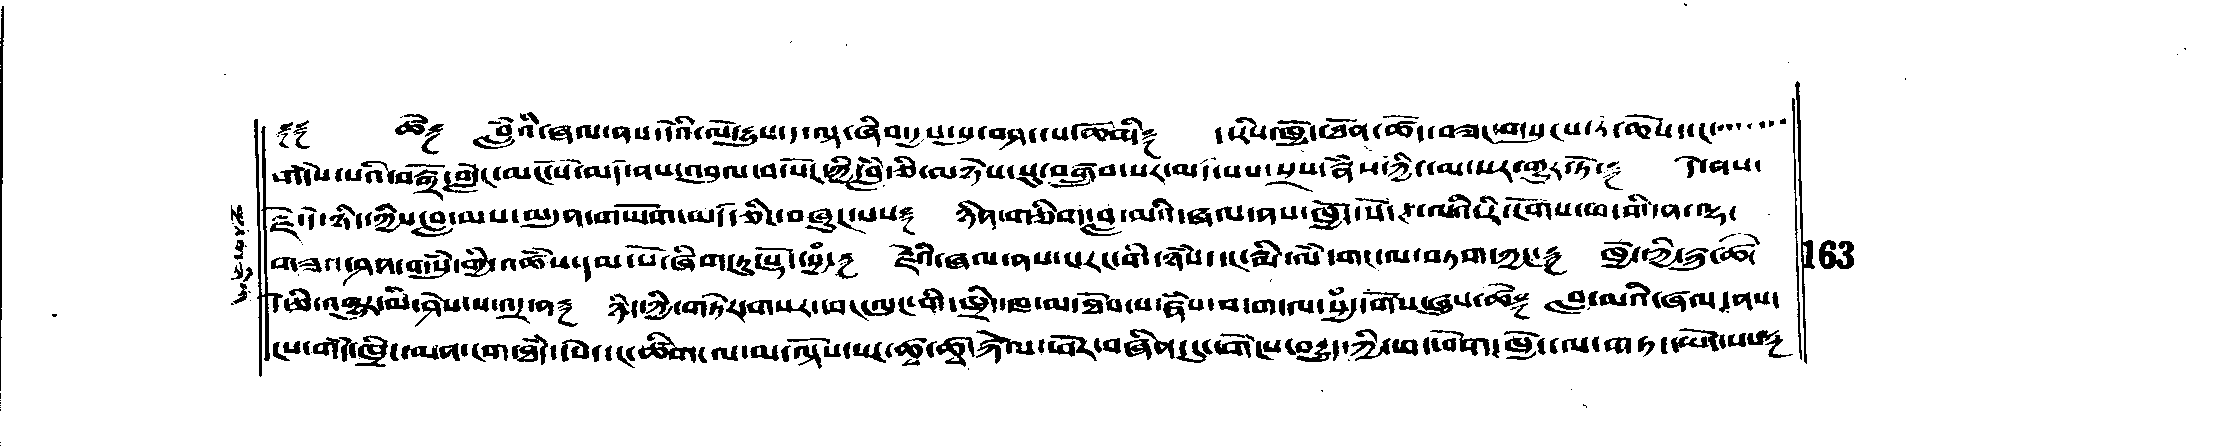ཚེ། བླ་མའི་ཞལ་ནས་དེའི་ལོ་རྒྱུས་ད་ལྟ་ཞིབ་རྒྱས་སུ་བཤད་པ་ཆོག་གི། ད་རིས་ཁྱོད་ཐོན་ཚོད་བཟང་གསུངས་ཏེ་ཆོས་དང་
གདམས་པའི་བསྒྲོ་གླེང་མང་པོ་མཛད་ནས་འབུལ་བ་སོགས་ཀྱི་བླ་མ་ཅི་མཉེས་སུ་བསྒྲུབ་པར་མཛད་པས་སྲས་རྣམས་ཀྱི་དམ་པར་གྱུར་ཏོ། དེ་ནས་
རྗེ་དེ་ཉིད་ཀྱིས་བླ་མས་མདུན་གཡོག་མཛད་ཅིང་བཞུགས་པས། ཉིན་གཅིག་བླ་མའི་ཞལ་ནས་ཁྱོད་པོ་ཊ་ལའི་རི་ངོགས་ཕ་གི་ན་ལྷ་
གཟའ་ཤན་གསུམ་གྱི་མཚམས་དམ་པོ་ཞིག་ཏུ་སྡོད་གསུངས། རྗེའི་ཞལ་ནས་ང་རང་གི་ཉམས་དང་རྨི་ལམ་གང་ལ་བརྟག་ཀྱང་། ཁྱེད་ཀྱི་སྐུ་ཚེ་
དེ་ཅི་འགྱུར་མི་ཤེས་པ་འདྲ་ན། ཉིད་ཀྱི་གཏེར་གསར་དབང་ལུང་གི་ཁྲིད་ཁ་མ་ཐོབ་པ་རྣམས་བདག་ལ་གསུང་དགོས་ཞུས་ཚེ། བླ་མའི་ཞལ་ནས་
ངས་གདམ་ཁྲིད་མན་ངག་ཐམས་ཅད་དཔེ་དང་ཚིག་ལ་མ་ལྟོས་པ་ཚ་ཚ་རྐོས་ཕོར་བཞིན་དུ་དགོངས་བརྒྱུད་ཀྱི་ཕ་ཕོག་ཁྱོད་ལ་གཏད་ཡོད་པས།